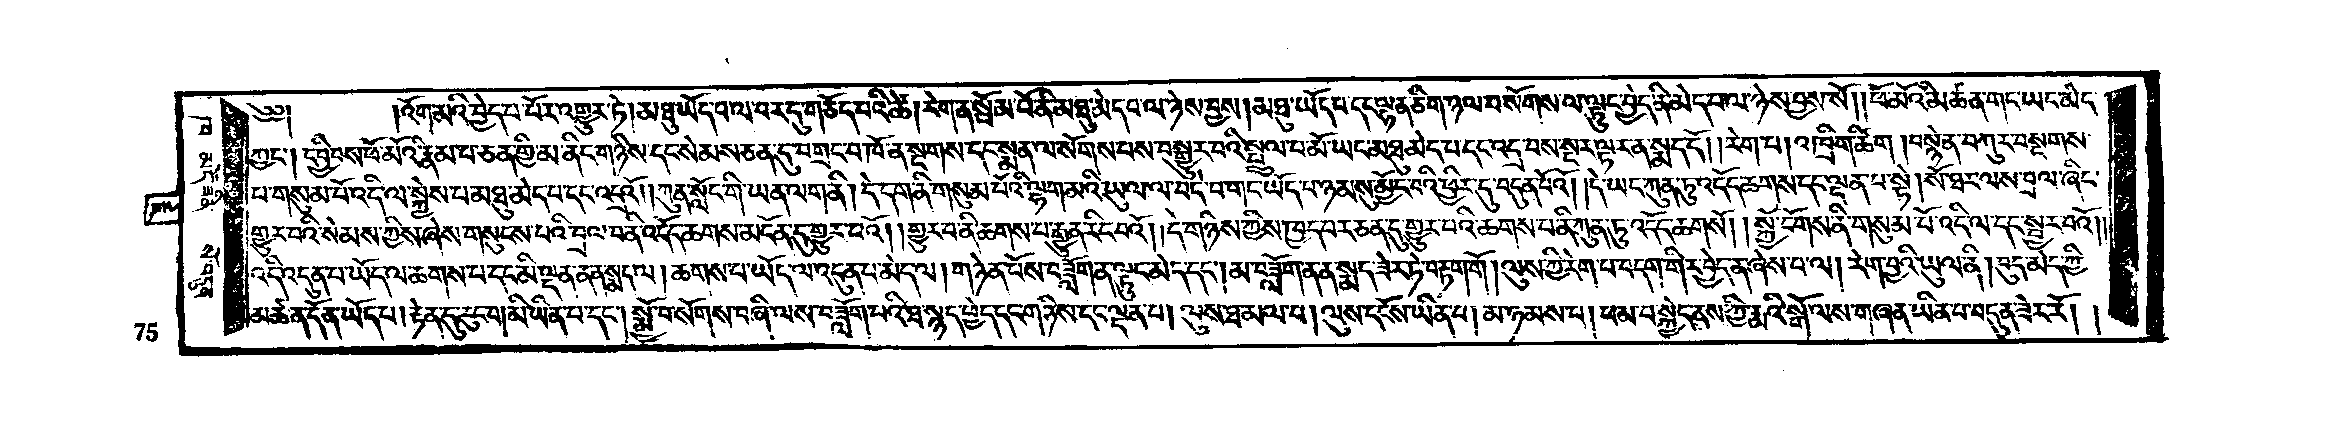༄༅། །འོག་མའི་བྱེད་པ་པོར་འགྱུར་ཏེ། མཐུ་ཡོད་པ་ལ་བར་དུ་གཅོད་པའི་ཚེ། རེག་ན་སྦོམ་པོ་ནི་མཐུ་མེད་པ་ལ་ཉེས་བྱས། མཐུ་ཡོད་པ་དང་ལྷན་ཅིག་ཉལ་བ་སོགས་ལ་ལྟུང་བྱེད་ནི་མེད་པ་ལ་ཉེས་བྱས་སོ། །ཕོ་མོའི་མཚན་གང་ཡང་མེད་
ཀྱང་། དབྱིབས་ཕོ་མོའི་རྣམ་པ་ཅན་གྱི་མ་ནིང་གཉིས་དང་སེམས་ཅན་དུ་བགྲང་བ་ཁོ་ན་སྔགས་དང་སྨན་ལ་སོགས་པས་བསྒྱུར་བའི་སྤྲུལ་པ་མོ་ཡང་མཐུ་མེད་པ་དང་འདྲ་བས་སྔར་ལྟར་ན་སྨད་དོ། །རེག་པ། འཁྲིག་ཚིག །བསྙེན་བཀུར་བསྔགས་
པ་གསུམ་པོ་འདི་ལ་སྐྱེས་པ་མཐུ་མེད་པ་དང་འདྲའོ། །ཀུན་སློང་གི་ཡན་ལག་ནི། དེ་དག་ནི་གསུམ་པོའི་ལྷག་མའི་ཡུལ་ལ་བདེ་བ་གང་ཡོད་པ་ཉམས་སུ་མྱོང་བའི་ཕྱིར་དུ་བདུན་པོའོ། །དེ་ཡང་ཀུན་ཏུ་འདོད་ཆགས་དང་ལྡན་པ་སྟེ། སོ་ཐར་ལས་བྲལ་ཞིང་
གྱུར་པའི་སེམས་ཀྱིས་ཞེས་གསུངས་པའི་བྲལ་བ་ནི་འདོད་ཆགས་མངོན་དུ་གྱུར་པའོ། །གྱུར་པ་ནི་ཆགས་པ་རྒྱུན་རིང་བའོ། །དེ་གཉིས་ཀྱིས་ཁྱད་པར་ཅན་དུ་གྱུར་པའི་ཆགས་པ་ནི་ཀུན་ཏུ་འདོད་ཆགས་སོ། །སྐྱོ་དོགས་ནི་གསུམ་པོ་འདི་ལ་དང་སྦྱར་བའོ། །
འདི་འདུན་པ་ཡོད་ལ་ཆགས་པ་དང་མི་ལྡན་ན་ན་སྨད་ལ། ཆགས་པ་ཡོད་ལ་འདུན་པ་མེད་ལ། གཉེན་པོས་བཟློག་ན་ལྟུང་མེད་དང་། མ་བཟློག་ན་ན་སྨད་ཟེར་ཏེ་བརྟག་གོ །ལུས་ཀྱི་རེག་པ་བདག་གིར་བྱེད་ན་ཞེས་པ་ལ། རེག་བྱའི་ཡུལ་ནི། བུད་མེད་ཀྱི་
མཚན་དོན་ཡོད་པ། རྟེན་དུ་རུང་བ། མི་ཡིན་པ་དང་། སྨྱོ་བ་སོགས་བཞི་ལས་བཟློག་པའི་ཐ་སྙད་ཕྱེད་དང་གཉིས་དང་ལྡན་པ། ལུས་ཐ་མལ་པ། ལུས་དངོས་ཡིན་པ། མ་ཉམས་པ། ཕམ་པ་སྐྱེད་ནུས་ཀྱི་རྨའི་སྒོ་ལས་གཞན་ཡིན་པ་བདུན་ཟེར་རོ། །